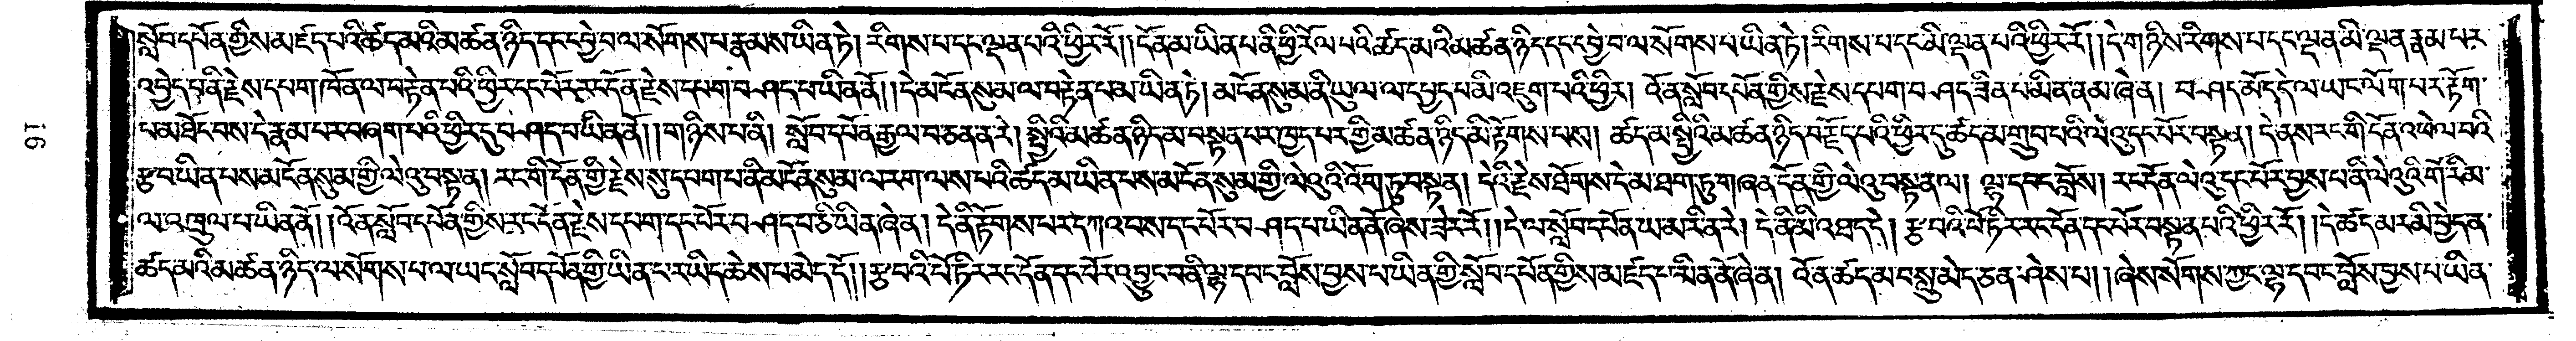སློབ་དཔོན་གྱིས་མཛད་པའི་ཚད་མའི་མཚན་ཉིད་དང་དབྱེ་བ་ལ་སོགས་པ་རྣམས་ཡིན་ཏེ། རིགས་པ་དང་ལྡན་པའི་ཕྱིར་རོ། །དོན་མ་ཡིན་པ་ནི་ཕྱི་རོལ་པའི་ཚད་མའི་མཚན་ཉིད་དང་དབྱེ་བ་ལ་སོགས་པ་ཡིན་ཏེ། རིགས་པ་དང་མི་ལྡན་པའི་ཕྱིར་རོ། །དེ་གཉིས་རིགས་པ་དང་ལྡན་མི་ལྡན་རྣམ་པར་
འབྱེད་པ་ནི་རྗེས་དཔག་ཁོ་ན་ལ་བརྟེན་པའི་ཕྱིར་དང་པོར་རང་དོན་རྗེས་དཔག་བཤད་པ་ཡིན་ནོ། །དེ་མངོན་སུམ་ལ་བརྟེན་པ་མ་ཡིན་ཏེ། མངོན་སུམ་ནི་ཡུལ་ལ་དཔྱད་པ་མི་འཇུག་པའི་ཕྱིར། འོ་ན་སློབ་དཔོན་གྱིས་རྗེས་དཔག་བཤད་ཟིན་པ་མིན་ནམ་ཞེ་ན། བཤད་མོད་དེ་ལ་ཡང་ལོག་པར་རྟོག་
པ་མཐོང་བས་དེ་རྣམ་པར་བཞག་པའི་ཕྱིར་དུ་བཤད་པ་ཡིན་ནོ། །གཉིས་པ་ནི། སློབ་དཔོན་རྒྱལ་བ་ཅན་ན་རེ། སྤྱིའི་མཚན་ཉིད་མ་བསྟན་པར་ཁྱད་པར་གྱི་མཚན་ཉིད་མི་རྟོགས་པས། ཚད་མ་སྤྱིའི་མཚན་ཉིད་བརྗོད་པའི་ཕྱིར་དུ་ཚད་མ་གྲུབ་པའི་ལེའུ་དང་པོར་བསྟན། དེ་ནས་རང་གི་དོན་འཕེལ་བའི་
རྩ་བ་ཡིན་པས་མངོན་སུམ་གྱི་ལེའུ་བསྟན། རང་གི་དོན་གྱི་རྗེས་སུ་དཔག་པ་ནི་མངོན་སུམ་ལ་རག་ལས་པའི་ཚད་མ་ཡིན་པས་མངོན་སུམ་གྱི་ལེའུའི་འོག་ཏུ་བསྟན། དེའི་རྗེས་ཐོགས་དེ་མ་ཐག་ཏུ་གཞན་དོན་གྱི་ལེའུ་བསྟན་ལ། ལྷ་དབང་ཟློས། རང་དོན་ལེའུ་དང་པོར་བྱས་པ་ནི་ལེའུའི་གོ་རིམ་
ལ་འཁྲུལ་པ་ཡིན་ནོ། །འོ་ན་སློབ་དཔོན་གྱིས་རང་དོན་རྗེས་དཔག་དང་པོར་བཤད་པ་ཅི་ཡིན་ཞེ་ན། དེ་ནི་རྟོགས་པར་དཀའ་བས་དང་པོར་བཤད་པ་ཡིན་ནོ་ཞེས་ཟེར་རོ། །དེ་ལ་སློབ་དཔོན་ཡ་མ་རི་ན་རེ། དེ་ནི་མི་འཐད་དེ། རྩ་བའི་བོ་ཏིར་རང་དོན་དང་པོར་བསྟན་པའི་ཕྱིར་རོ། །དེ་ཚད་མར་མི་བྱེད་ན་
ཚད་མའི་མཚན་ཉིད་ལ་སོགས་པ་ལ་ཡང་སློབ་དཔོན་གྱི་ཡིན་པར་ཡིད་ཆས་པ་མེད་དོ། །རྩ་བའི་བོ་ཏིར་རང་དོན་དང་པོར་འབྱུང་བ་ནི་ལྷ་དབང་བློས་བྱས་པ་ཡིན་གྱི་སློབ་དཔོན་གྱིས་མཛད་པ་མིན་ནོ་ཞེ་ན། འོ་ན་ཚད་མ་བསླུ་མེད་ཅན་ཤེས་པ། །ཞེས་སོགས་ཀྱང་ལྷ་དབང་བློས་བྱས་པ་ཡིན་